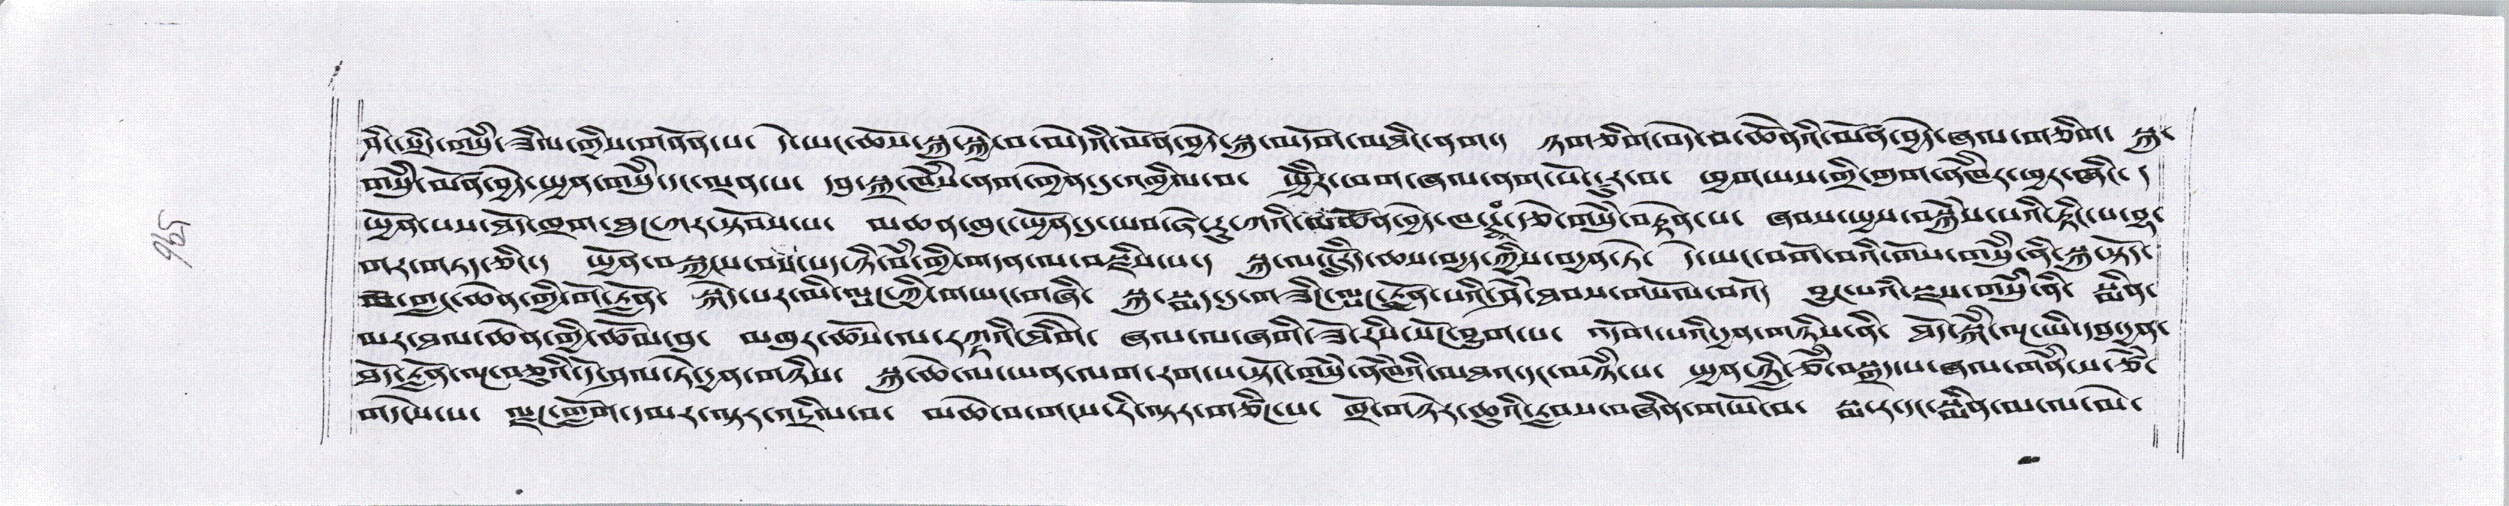ཤིང་སྲིད་གསུམ་ཟིལ་གྱིས་གནོན་པ། དེ་ཡང་ཆོས་སྐུ་སྐྱེ་བ་མེད་པའི་མཚོན་བྱེད་སྐུ་མདོག་མཐིང་ནག ཉག་གཅིག་བདེ་བ་ཆེན་པོའི་མཚོན་བྱེད་ཞལ་གཅིག སྐུ་
གསུམ་མཚོན་བྱེད་སྤྱན་གསུམ་དང་ལྡན་པ། དབུ་སྐྲ་ཁམ་ནག་གྱེན་དུ་འཁྱིལ་བ། སྤྱི་བོར་ཕག་ཞལ་ནག་པོ་ངུར་བ། ཕྱག་གཡས་གྲི་ཁུག་ནམ་མཁར་ཕྱར་ཞིང་། 
གཡོན་པས་ཐོད་ཁྲག་ཐུགས་ཁར་སྟོབ་པ། མཆན་ཁུང་གཡོན་དུ་ཡབ་ཧེ་རུ་ཀའི་མཚོན་བྱེད་ཁ་ཊཾ་རྩེ་གསུམ་བརྟེན་པ། ཞབས་གཡས་བསྐུམ་པའི་རྟིང་པ་བྷ་
གར་གཏད་ཅིང་། གཡོན་བརྐྱངས་པས་པད་ཉི་བམ་གྱི་གདན་ལ་བརྫིས་པ། སྐུ་ལ་དུར་ཁྲོད་ཆས་བརྒྱད་ཀྱིས་བརྒྱན་ཏེ། དེ་ཡང་བགོ་བའི་གོས་གསུམ་ནི། སྐུ་སྟོད་
ལ་གླང་ཆེན་གྱི་ཀོ་རློན། སྐེད་པར་མི་ལྤགས་ཀྱི་གཡང་གཞི། སྐུ་སྨད་དུ་གཟིག་ལྤགས་རློན་པའི་ཤམ་ཐབས་གསོལ་བའོ། བྱུག་པའི་རྫས་གསུམ་ནི། སྨིན་
མར་ཐལ་ཆེན་གྱི་ཚོམ་བུ། མཁུར་ཚོས་ལ་རཀྟའི་ཐིག་ལེ། ཞལ་ལ་ཞག་གི་ཟོ་༼སོར༽རིས་སོགས་བྱུག་པ། འདོགས་པའི་རྒྱན་གཉིས་ནི། ཐོད་སྐམ་ལྔ་ཡི་དབུ་རྒྱན། 
ཐོད་རློན་ལྔ་བཅུའི་དོ་ཤལ་ཏེ་རྒྱན་གཉིས། སྐུ་ཆེ་ལ་ཡན་ལག་རག་པ་སྟོང་གསུམ་ནམ་མཁའི་མཐའ་དང་མཉམ་པ། སྤྱན་ཉི་ཟླ་ཙམ་བསྒྲད་པ། ཞལ་གནམ་ས་ཙམ་
གདེངས་པ། ལྗགས་གློག་དམར་ལྟར་འདྲིལ་བ། མཆེ་བ་གངས་རི་ལྟར་གཙིགས་པ། ཁྲོ་གཉེར་ཆུ་ཡི་རླབས་བཞིན་གཡོ་བ། སྨ་ར་དང་སྨིན་མ་ལ་མེ་